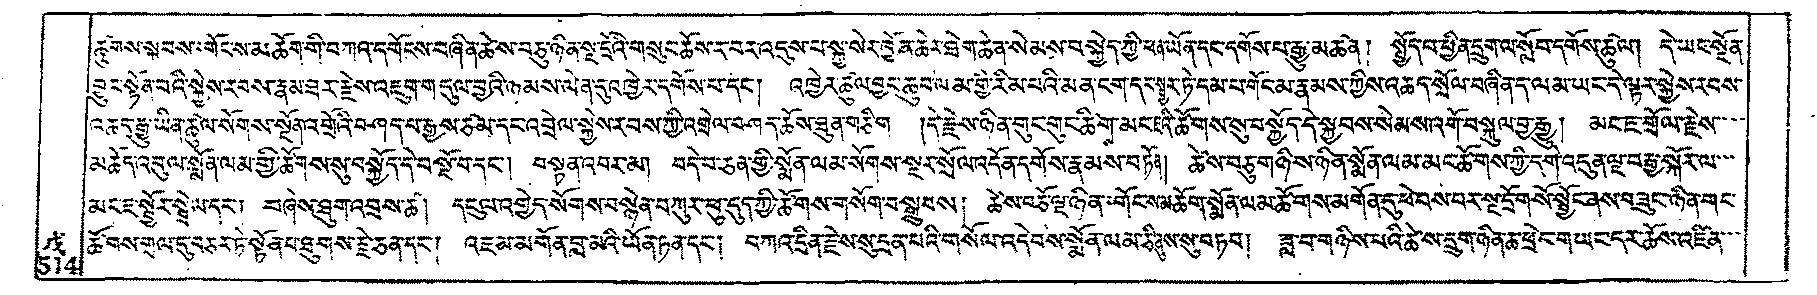ཚུགས་སྐབས་༧གོང་ས་མཆོག་གི་བཀའ་དགོངས་བཞིན་ཚེས་བཅུ་ཉིན་སྔ་དྲོའི་གསུང་ཆོས་ར་བར་འདུས་པ་སྐྱ་སེར་ཁྱོན་ཆེར་ཐེག་ཆེན་སེམས་བསྐྱེད་ཀྱི་ཕན་ཡོན་དང་དགོས་པ་རྒྱུ་མཚན། སྤྱོད་པ་ཕྱིན་དྲུག་ལ་སློབ་དགོས་ཚུལ། དེ་ཡང་སྔོན་
བྱུང་སྟོན་པའི་སྐྱེས་རབས་རྣམ་ཐར་རྗེས་འཇུག་གདུལ་བྱའི་ཉམས་ལེན་དུ་འཁྱེར་དགོས་པ་དང་། འཁྱེར་ཚུལ་བྱང་ཆུབ་ལམ་གྱི་རིམ་པའི་མན་ངག་དང་སྦྱར་ཏེ་དམ་པ་གོང་མ་རྣམས་ཀྱིས་འཆད་སྲོལ་བཞིན་ད་ལམ་ཡང་དེ་ལྟར་སྐྱེས་རབས་
འཆད་རྒྱུ་ཡིན་ཚུལ་སོགས་སྔོན་འགྲོའི་བཤད་པ་རྒྱས་ཙམ་དང་འབྲེལ་སྐྱེས་རབས་ཀྱི་འགྲེལ་བཤད་ཆོས་ཐུན་གཅིག །དེ་རྗེས་ཉིན་གུང་གུང་ཚིགས་མང་ཇའི་ཚོགས་སུ་བསྐྱོད་དེ་སྐྱབས་སེམས་འགོ་བསྐུལ་བྱ་རྒྱུ། མང་ཇ་གྲོལ་རྗེས་
མཆོད་འབུལ་སྨོན་ལམ་གྱི་ཚོགས་སུ་བསྐྱོད་དེ་བསྔོ་བ་དང་། བསྟན་འབར་མ། བདེ་བ་ཅན་གྱི་སྨོན་ལམ་སོགས་སྔར་སྲོལ་འདོན་དགོས་རྣམས་བཏོན། ཚེས་བཅུ་གཉིས་ཉིན་སྨོན་ལམ་མང་ཚོགས་ཀྱི་དགེ་འདུན་ལྔ་བརྒྱ་སྐོར་ལ་
མང་ཇ་སྦྱོར་སྦྲེལ་དང་། བཞེས་ཐུག་འབྲས་ཚ། དངུལ་འགྱེད་སོགས་བསྙེན་བཀུར་ཕུ་དུད་ཀྱི་ཚོགས་གསོག་བསྒྲུབས། ཚེས་བཅོ་ལྔ་ཉིན་༧གོང་ས་མཆོག་སྨོན་ལམ་ཚོགས་མགོན་དུ་ཕེབས་པར་སྔ་དྲོ་གསོ་སྦྱོང་ནས་བཟུང་ཉིན་གང་
ཚོགས་གྲལ་དུ་བཅར་ཏེ་སྟོན་པ་ཐུགས་རྗེ་ཅན་དང་། འཇམ་མགོན་བླ་མའི་ཡོན་ཏན་དང་། བཀའ་དྲིན་རྗེས་སུ་དྲན་པའི་གསོལ་འདེབས་སྨོན་ལམ་ཅི་ནུས་སུ་བཏབ། ཟླ་བ་གཉིས་པའི་ཚེས་དྲུག་ཉིན་ཆ་ཕྲེང་གཡང་དར་ཆོས་འཛིན་